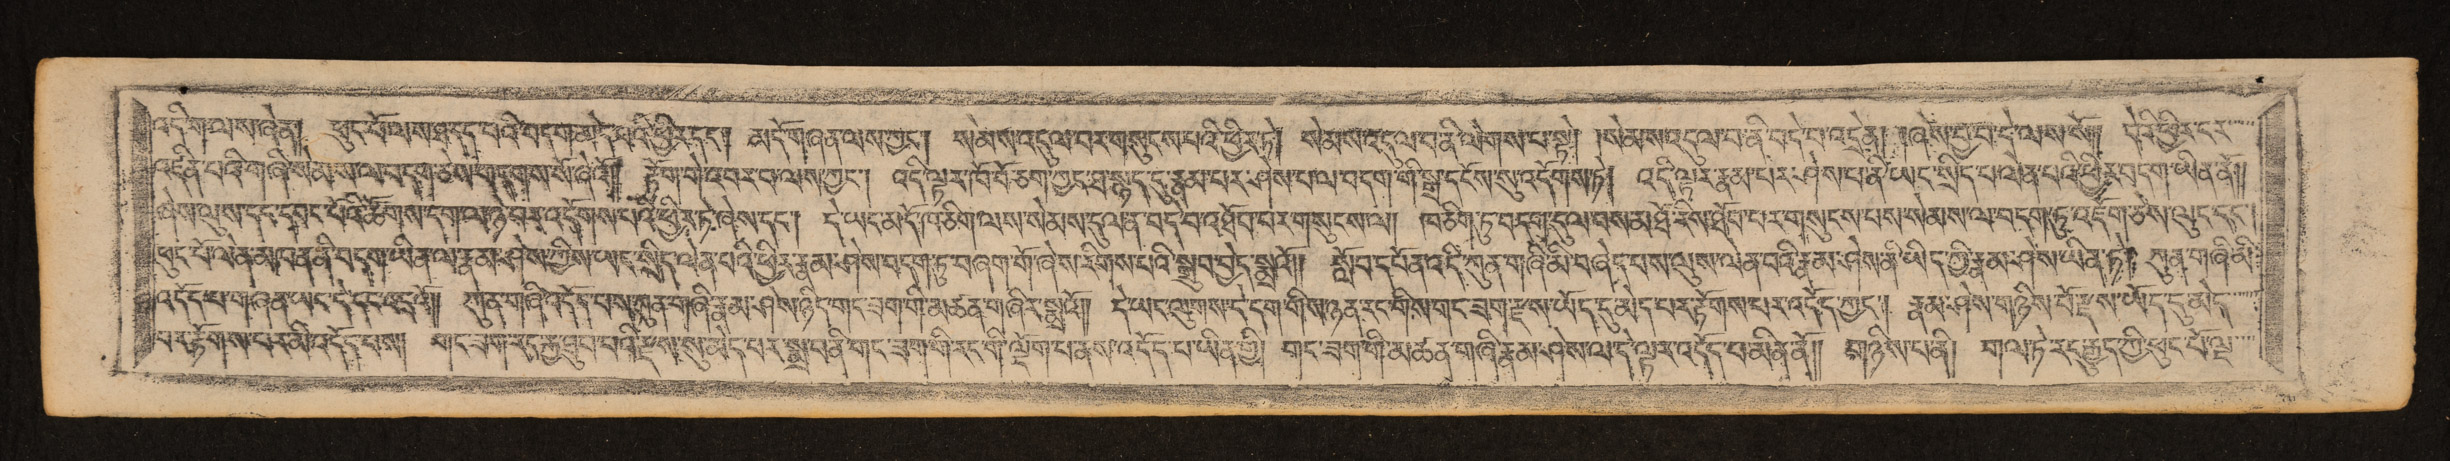འདི་ག་ལས་ཤེ་ན། ཕུང་པོ་ལས་ཐ་དད་པའི་བདག་མེད་པའི་ཕྱིར་དང་། མདོ་གཞན་ལས་ཀྱང་། སེམས་འདུལ་བར་གསུངས་པའི་ཕྱིར་ཏེ། སེམས་འདུལ་བ་ནི་ལེགས་པ་སྟེ། །སེམས་འདུལ་བ་ནི་བདེ་བ་འདྲེན། །ཞེས་བྱ་བ་དེ་ལས་སོ།། དེའི་ཕྱིར་ངར་
འཛིན་པའི་གཞི་སེམས་ལ་བདག་ཅེས་གདགས་སོ་ཞེའོ།། རྟོག་གེ་འབར་བ་ལས་ཀྱང་། འདི་ལྟར་ཁོ་བོ་ཅག་ཀྱང་ཐ་སྙད་དུ་རྣམ་པར་ཤེས་པ་ལ་བདག་གི་སྒྲ་དངོས་སུ་འདོགས་ཏེ། འདི་ལྟར་རྣམ་པར་ཤེས་པ་ནི་ཡང་སྲིད་པ་ལེན་པའི་ཕྱིར་བདག་ཡིན་ནོ།།
ཞེས་ལུས་དང་དབང་པོའི་ཚོགས་དག་ལ་ཉེ་བར་འདོགས་པའི་ཕྱིར་ཏེ་ཞེས་དང་། དེ་ཡང་མདོ་ཁ་ཅིག་ལས་སེམས་དུལ་ན་བདེ་བ་འཐོབ་པར་གསུངས་ལ། ཁ་ཅིག་ཏུ་བདག་དུལ་བས་མཐོ་རིས་ཐོབ་པར་གསུངས་པས་སེམས་ལ་བདག་ཏུ་འཇོག་ཅེས་ལུང་དང་།
ཕུང་པོ་ལེན་མཁན་ནི་བདག་ཡིན་ལ་རྣམ་ཤེས་ཀྱིས་ཡང་སྲིད་ལེན་པའི་ཕྱིར་རྣམ་ཤེས་བདག་ཏུ་བཞག་གོ་ཞེས་རིགས་པའི་སྒྲུབ་བྱེད་སྨྲའོ།། སློབ་དཔོན་འདི་ཀུན་གཞི་མི་བཞེད་པས་ལུས་ལེན་པའི་རྣམ་ཤེས་ནི་ཡིད་ཀྱི་རྣམ་ཤེས་ཡིན་ཏེ། ཀུན་གཞི་མི་
འདོད་པ་གཞན་ཡང་དེ་དང་འདྲའོ།། ཀུན་གཞི་འདོད་པས་ཀུན་གཞི་རྣམ་ཤེས་ཉིད་གང་ཟག་གི་མཚན་གཞིར་སྨྲའོ།། དེ་ཡང་ལུགས་དེ་དག་གིས་ཉན་རང་གིས་གང་ཟག་རྫས་ཡོད་དུ་མེད་པར་རྟོགས་པར་འདོད་ཀྱང་། རྣམ་ཤེས་གཉིས་པོ་རྫས་ཡོད་དུ་མེད་
པར་རྟོགས་པར་མི་འདོད་པས། གང་ཟག་རང་རྐྱ་ཐུབ་པའི་རྫས་སུ་མེད་པར་སྨྲ་བ་ནི་གང་ཟག་གི་རང་གི་ལྡོག་པ་ནས་འདོད་པ་ཡིན་གྱི། གང་ཟག་གི་མཚན་གཞི་རྣམ་ཤེས་ལ་དེ་ལྟར་འདོད་པ་མིན་ནོ།། གཉིས་པ་ནི། གལ་ཏེ་རང་རྒྱུད་ཀྱི་ཕུང་པོ་ལྔ་